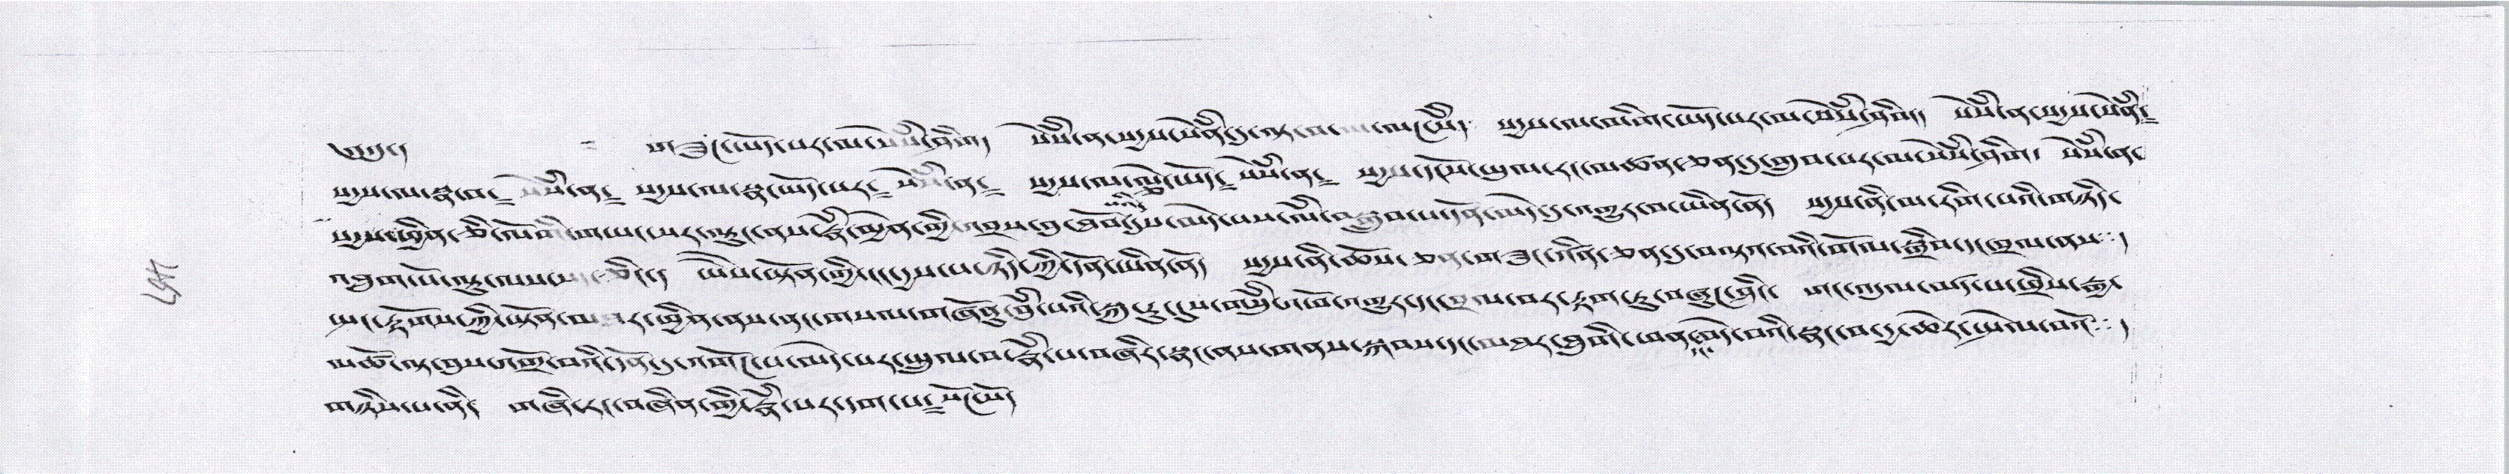གཟུགས་ཡོད་པར་མ་སེམས་ཤིག སེམས་ན་སངས་རྒྱས་སེམས་ཅན་དུ་ལྟ་བ་མ་ལགས་སམ། སངས་རྒྱས་ལ་མིག་ཡོད་པར་མ་སེམས་ཤིག སེམས་ན་སངས་རྒྱས་སེམས་ཅན་
དུ་ལྟ་བ་མ་ལགས་སམ། སངས་རྒྱས་ལ་སྣ་ཡོད་པར་མ་སེམས་ཤིག སེམས་ན་སངས་རྒྱས་སེམས་ཅན་དུ་ལྟ་བ་མ་ལགས་སམ། སངས་རྒྱས་ལ་ལྕེ་ཡོད་པར་མ་སེམས་ཤིག སེམས་ན་སངས་རྒྱས་སེམས་ཅན་དུ་ལྟ་བ་མ་ལགས་སམ། སངས་རྒྱས་ལ་དངོས་ཡུལ་རང་མཚན་ཅན་དུ་གྲུབ་པར་མ་སེམས་ཤིག སེམས་ན་
སངས་རྒྱས་སེམས་ཅན་དུ་ལྟ་བ་མ་ལགས་སམ། སངས་རྒྱས་ཕྱིན་ཅི་ལོག་གི་གཡང་སར་ལྷུང་ནས་རྣམ་མཁྱེན་གྱི་འབྲས་བུ་ཐོབ་པའི་ཐབས་མེད་པས་ལམ་བསྒྲུབ་པ་དོན་མེད་དུ་འགྱུར་བ་ཡིན་ནོ། སངས་རྒྱས་ནི་མ་རིག་པའི་གཉིད་
མཐུག་པོ་ལྟ་བུ་ལས་སད་ཅིང་། ཡེ་ཤེས་ཡོན་ཏན་གྱི་ངང་རྒྱས་པ་ཉིད་ཀྱི་དོན་ཡིན་ནོ། སངས་རྒྱས་ནི་ཆོས་ཅན་གཟུང་འཛིན་ཅན་དུ་བལྟས་པའི་གོལ་སྒྲིབ་དང་བྲལ་ནས་
སྤང་རྟོགས་ཀྱི་ཡོན་ཏན་མཐར་ཕྱིན་ནས་ནང་གསལ་གཞོན་ནུ་བུམ་པའི་སྐུ་རུ་དུས་གསུམ་འཕོ་འགྱུར་དང་བྲལ་བར་རྟག་ཏུ་བཞུགས་ཤིང་། གང་འདུལ་མཛད་པ་འཕྲིན་ལས་རྒྱ་
མཚོ་ལྟ་བུས་འགྲོ་བའི་དོན་དུ་འགོགས་པ་མེད་པར་སྤྲུལ་པ་རྣམ་པ་བཞིར་སྣང་ནས་གནས་སྐབས་དང་མཐར་ཐུག་གི་ཕན་པ་དང་བདེ་བའི་སྣང་བ་རྒྱ་ཆེར་སྤེལ་བའོ། 
གཉིས་པ་ནི། གཞི་རང་བཞིན་གྱི་རྣམ་པར་དག་པ། སོགས་སོ།